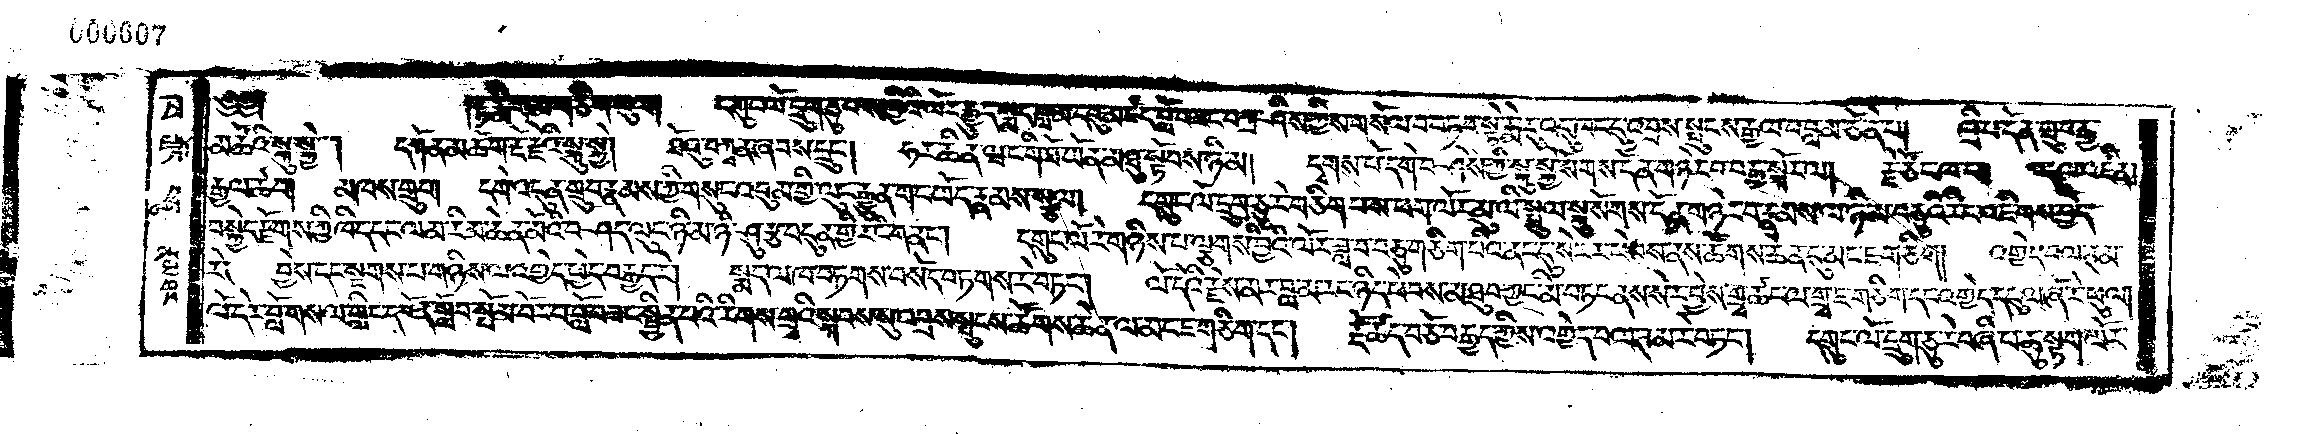༄༅། །རྟ་རྨིག་མ་གཅིག་ཕུལ། དགུང་ལོ་དྲུག་ཅུ་བ་ས་ཁྱིའི་ལོར་རྒྱུད་སྨད་བླ་མ་དབུ་མཛད་བློ་བཟང་བཀྲ་ཤིས་ཀྱིས་གསོལ་བ་བཏབ་སྟེ་རྨེ་རུ་འདུ་ཁང་དུ་འབྲས་སྤུངས་རྒྱལ་བ་བླ་མ་ཅོ་ནེ་པ། ཁྲི་པ་དོན་གྲུབ་རྒྱ་
མཚོའི་སྐུ་སྐྱེ༑ དཀོན་མཆོག་རྡོ་རྗེའི་སྐུ་སྐྱེ། ཐོའུ་བཀྭན་ཞབས་དྲུང་། ཧར་ཆིན་ཝང་གི་ཐོ་ཡོན་མཐུ་སྟོབས་ཉི་མ། དྭགས་པོ་དགེ་བཤེས་ཀྱི་སྐུ་སྐྱེ་སོགས་དོན་གཉེར་བ་བརྒྱ་སྐོར་ལ། རྗེ་ཙོང་ཁ་པ། འདུལ་འཛིན།
རྒྱལ་ཚབ། མཁས་གྲུབ། དགེ་འདུན་གྲུབ་རྣམས་ཀྱི་གསུང་འབུམ་གྱི་ལུང་རྒྱུན་གང་ཡོད་རྣམས་སྩལ། དགུང་ལོ་དྲུག་ཅུ་རེ་གཅིག་པས་ཕག་ལོར་མུ་ལི་སྤྲུལ་སྐུ་སོགས་དོན་གཉེར་བ་རྣམས་ལ་ཉི་མ་བཅུའི་རིང་འཇིགས་བྱེད་
བསྐྱེད་རྫོགས་ཀྱི་ཁྲིད་དང་ལམ་རིམ་ཆེན་མོའི་བཤད་ལུང་ཉི་མ་ཉི་ཤུ་རྩ་བདུན་གྱི་རིང་གནང་། དགུང་ལོ་རེ་གཉིས་པ་ལྕགས་བྱིའི་ལོར་ཟླ་བ་བཅུ་གཅིག་པའི་ནང་དུ་སེ་རར་ཕེབས་ནས་ཚོགས་ཆེན་དུ་མང་ཇ་གཅིག། འགྱེད་བལ་ཊམ་
རེ༑ བྱེས་དང་སྔགས་པ་གཉིས་ལ་འགྱེད་ཕྱེད་བརྒྱད་རེ། སྨད་ལ་ཁ་བཏགས་བསོད་བཏགས་རེ་བཏང་། ལོ་དེའི་རྗེས་མར་བླ་མ་རང་ཉིད་ཕེབས་མ་ཐུབ་ཀྱང་མི་བཏང་ནས་སེར་བྱེས་གྲྭ་ཚང་ལ་གྲྭ་ཇ་གཅིག་དང་འགྱེད་དངུལ་ཞོ་རེ་ཕུལ།
ལོ་དེར་བློ་གསལ་གླིང་དཔོན་སློབ་སྤོམ་བོར་བ་བློ་བཟང་སྦྱིན་པའི་རིགས་གྲྭའི་སྐབས་སུ་འབྲས་སྤུངས་ཚོགས་ཆེན་ལ་མང་ཇ་གཅིག་དང་། རྡོ་ཚད་བཅོ་བརྒྱད་ཀྱིས་འགྱེད་བལ་ཊམ་རེ་བཏང་། དགུང་ལོ་དྲུག་ཅུ་རེ་བཞི་པ་ཆུ་སྟག་ལོར་